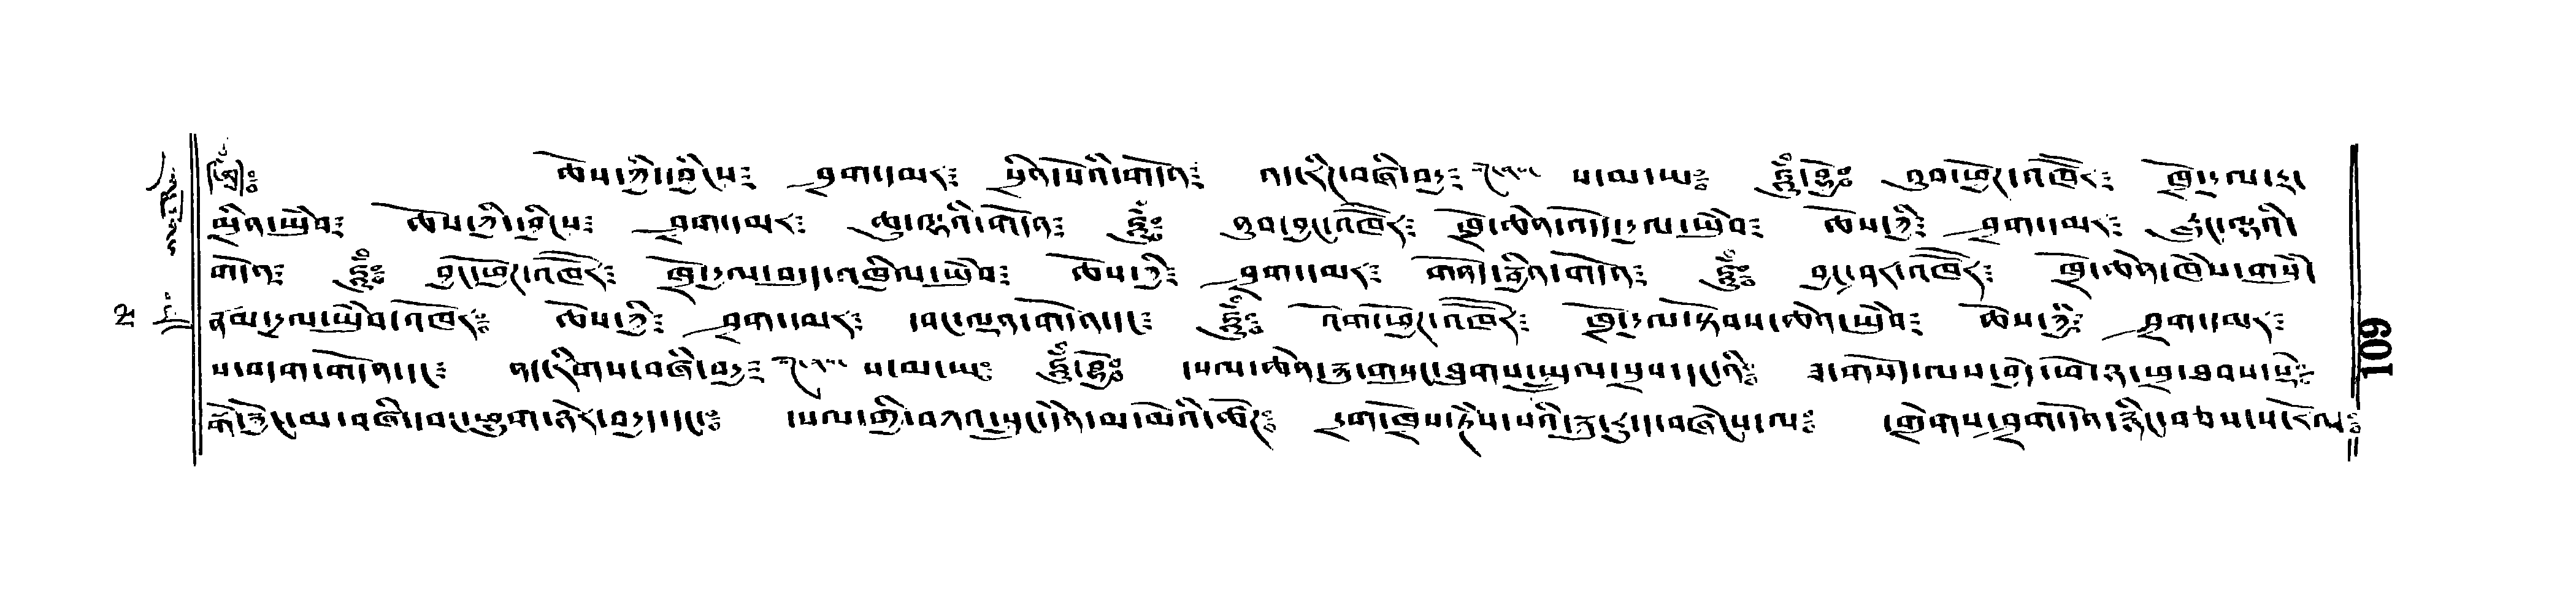ཆོས་ཀྱི་དབྱིངས་ནས༴ ཤ་ཁྲག་དམར་གྱི༴ སྲིན་པོའི་གདོན་ཚོགས༴ ནད་རིགས་བཞི་བརྒྱ༴ སོགས་ནས༔ ས་མ་ཡ༔ ཧཱུྃ་བྷྱོ༔ ནུབ་ཕྱོགས་འཁོར་ལོ༴ ཁྲོ་རྒྱལ་རྟ་
མགྲིན་ཡབ་ཡུམ༴ ཆོས་ཀྱི་དབྱིངས་ནས༴ ཤ་ཁྲག་དམར་གྱི༴ ཆུ་ལྷའི་གདོན་ཚོགས༴ ཧཱུྃཿ ནུབ་བྱང་འཁོར་ལོ༴ ཁྲོ་ཆེན་འདོད་རྒྱལ་ཡབ་ཡུམ༴ ཆོས་ཀྱི་དབྱིངས་ནས༴ ཤ་ཁྲག་དམར་གྱི༴ རླུང་ལྷའི་
གདོན་ཚོགས༴ ཧཱུྃ༔ བྱང་ཕྱོགས་འཁོར་ལོ༴ ཁྲོ་རྒྱལ་བདུད་འཁྱིལ་ཡབ་ཡུམ༴ ཆོས་ཀྱི་དབྱིངས་ནས༴ ཤ་ཁྲག་དམར་གྱི༴ གནོད་སྦྱིན་གདོན་ཚོགས༴ ཧཱུྃ༔ བྱང་ཤར་འཁོར་ལོ༴ ཁྲོ་ཆེན་ཁམས་གསུམ་
རྣམ་རྒྱལ་ཡབ་ཡུམ་འཁོར༔ ཆོས་ཀྱི་དབྱིངས་ནས༴ ཤ་ཁྲག་དམར་གྱི༴ དབང་ལྡན་གདོན་དང༴ ཧཱུྃ༔ འོག་ཕྱོགས་འཁོར་ལོ༴ ཁྲོ་རྒྱལ་སྟོབས་ཆེན་ཡབ་ཡུམ༴ ཆོས་ཀྱི་དབྱིངས་ནས༴ ཤ་ཁྲག་དམར་
ས་བདག་གདོན་དང༴ ནད་རིགས་བཞི་བརྒྱ༴ སོགས་ནས། ས་མ་ཡ༔ ཧཱུྃ་བྷྱོཿ དཔལ་ཆེན་སྐུ་གསུང་ཐུགས་སྤྲུལ་སྲས་དང་ནི༔ ཟ་གསོད་ལས་བྱེད་ཕོ་ཉ་ཕྲ་ཐབས་སྡེ༔ 
སྒོ་སྐྱོང་མ་བཞི་དབང་ཕྱུག་ཉེར་བརྒྱད་དང༔ དཔལ་གྱི་བཀའ་སྲུང་དམ་ཅན་མ་མོའི་ཚོགས༔ དྲག་ཁྲོས་རྔམས་པའི་སྐུ་རུ་ད་བཞེངས་ལ༔ དགྲ་བགེགས་ཤ་ཁྲག་དོན་སྙིང་བཅས་པ་རོལ༔